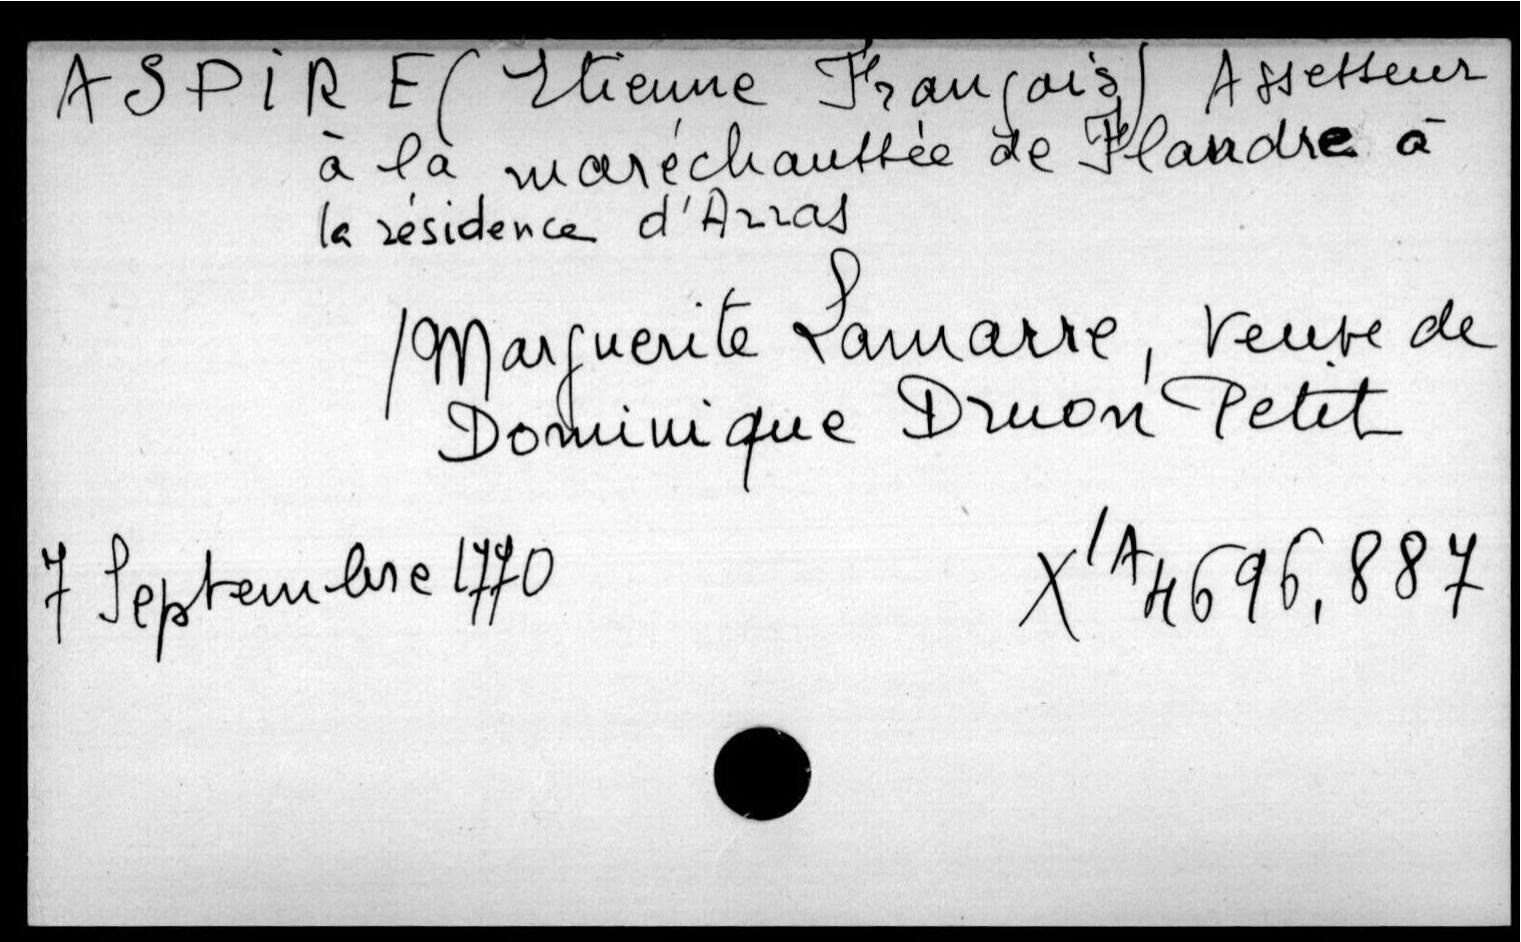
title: ASPIRE (Etienne François) Assesseur à la maréchaussée de Flandre à la résidence d'Arras
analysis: Contre Marguerite Lamarre, Veuve de Dominique Druon Petit
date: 7 septembre 1770
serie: X1A
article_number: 4696
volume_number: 887
